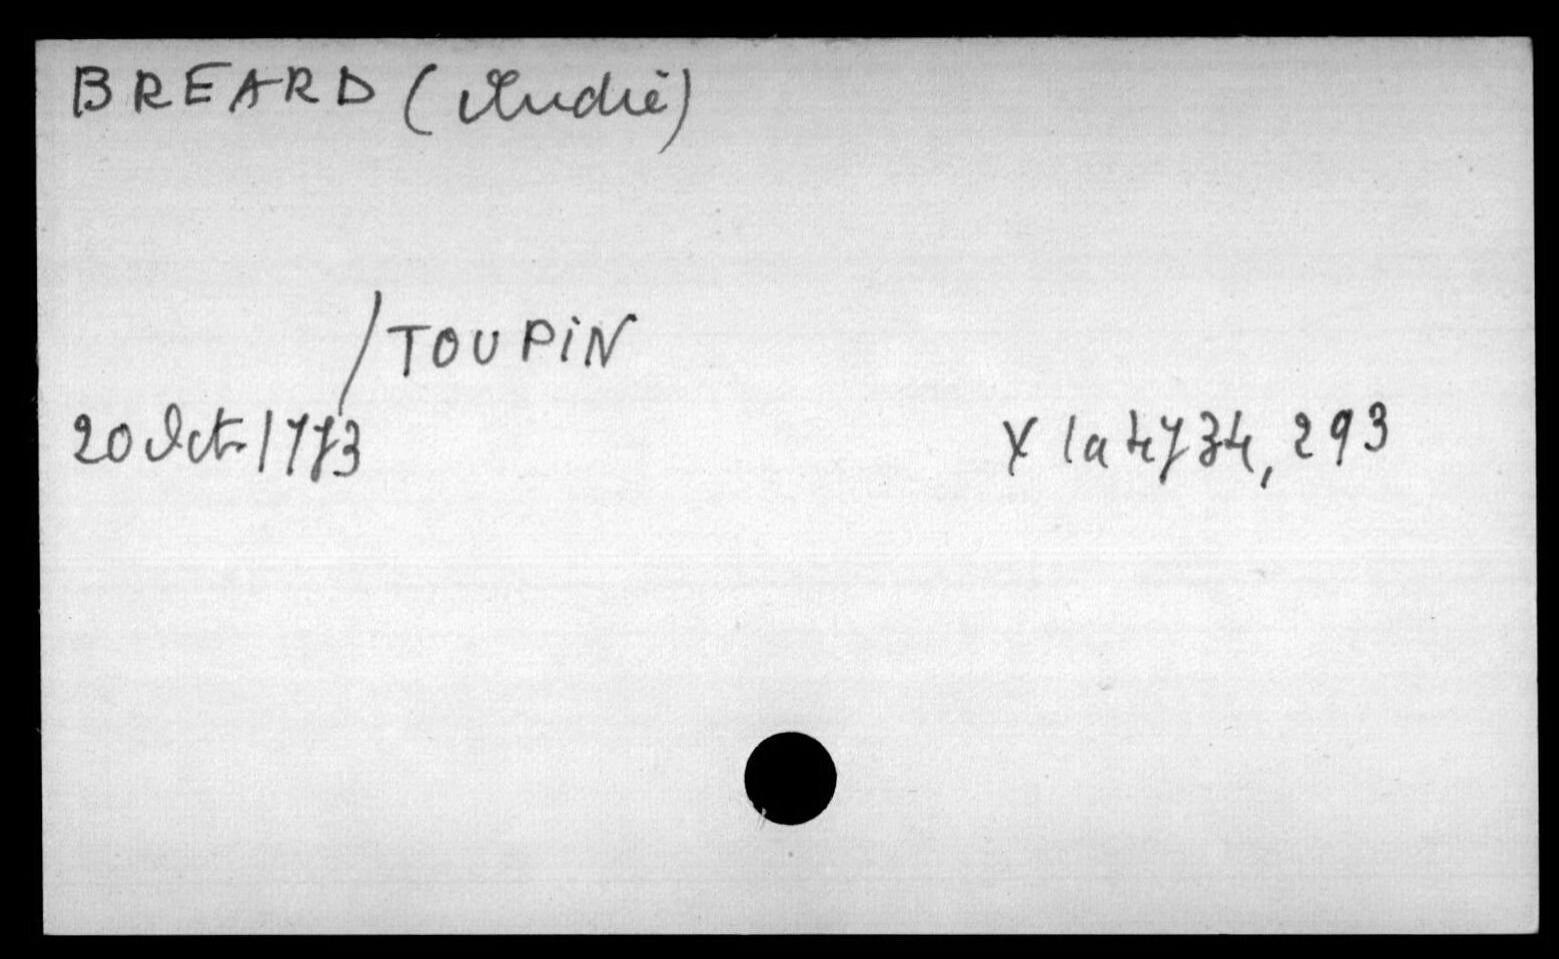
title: BREARD (André)
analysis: Contre TOUPIN
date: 20 octobre 1773
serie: X1a
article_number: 4734
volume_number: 293
